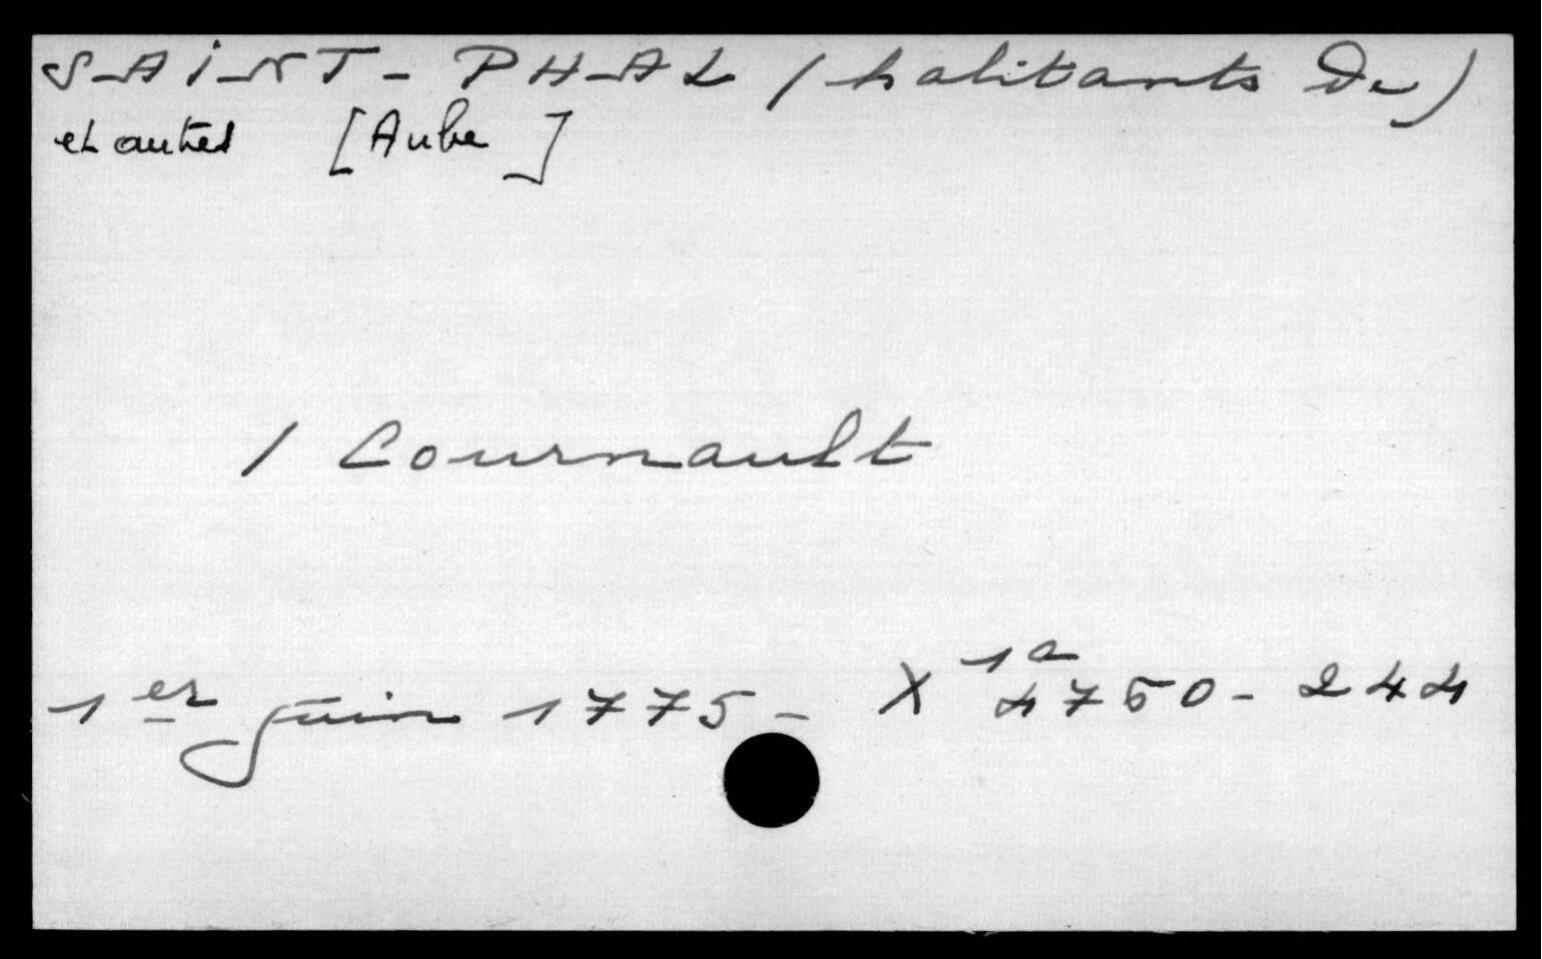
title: SAINT-PHAL (Habitants de) et autres [Aube]
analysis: Contre Cournault
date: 1 juin 1775
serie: X1a
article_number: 4760
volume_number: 244
